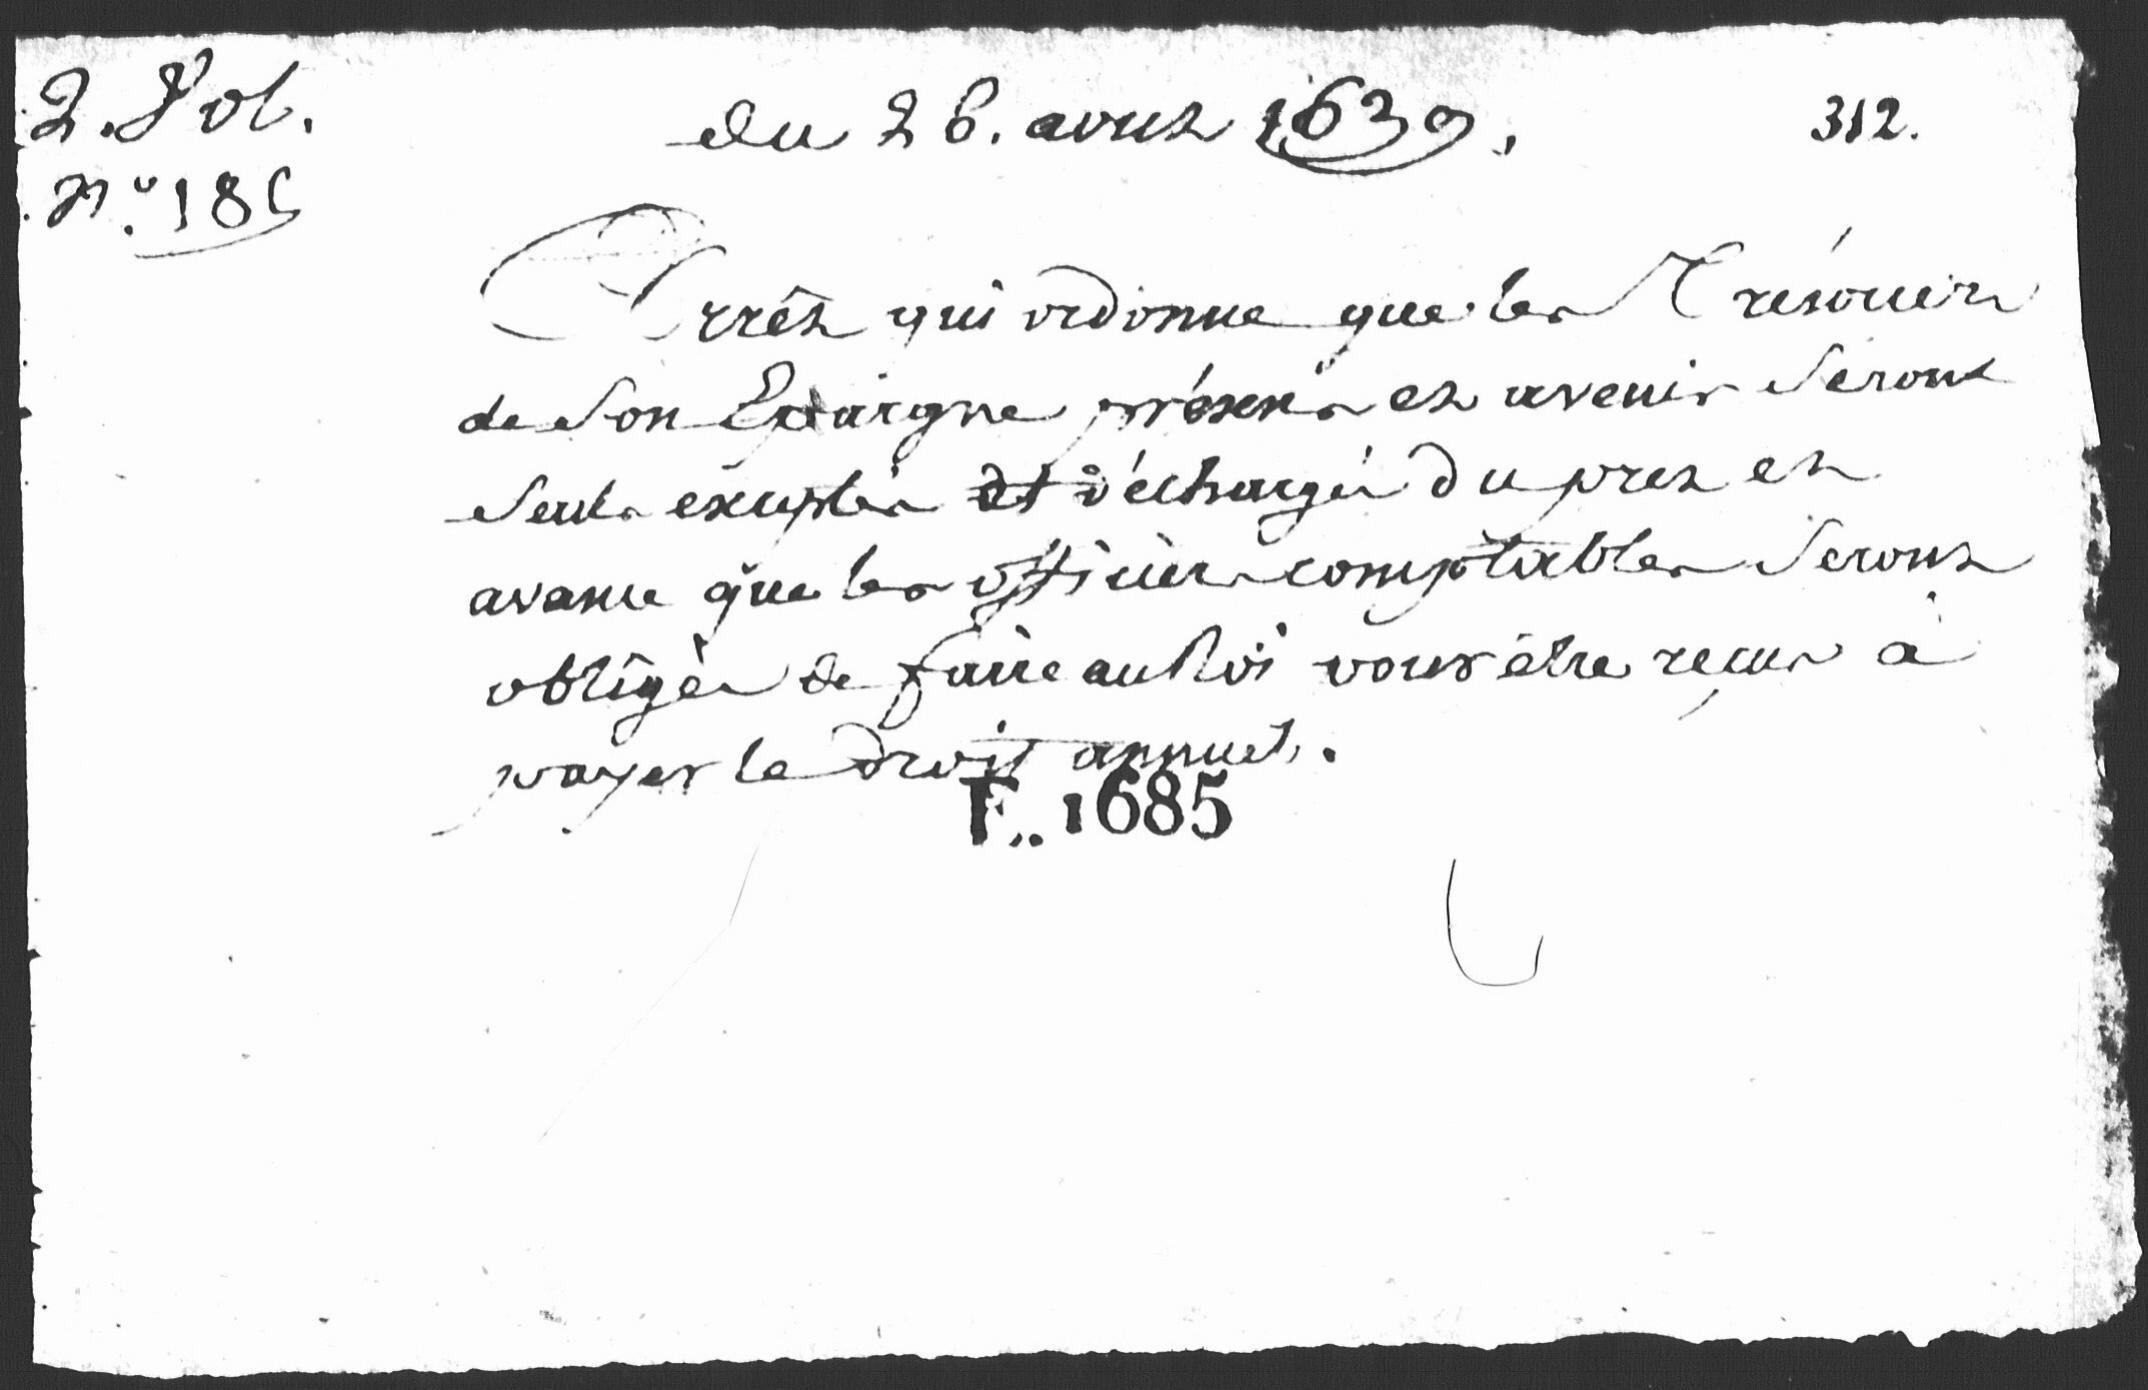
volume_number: n°185
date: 26 août 1639
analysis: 312.
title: Arrêt qui ordonne que les Trésoriers de son Epargne présens et a venir seront seuls exceptés et déchargés du pret et avance que les officiers comptables seront obligés de faire au Roi pour être reçus à payer le droit annuel.
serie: E
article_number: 1685
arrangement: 2. vol.
